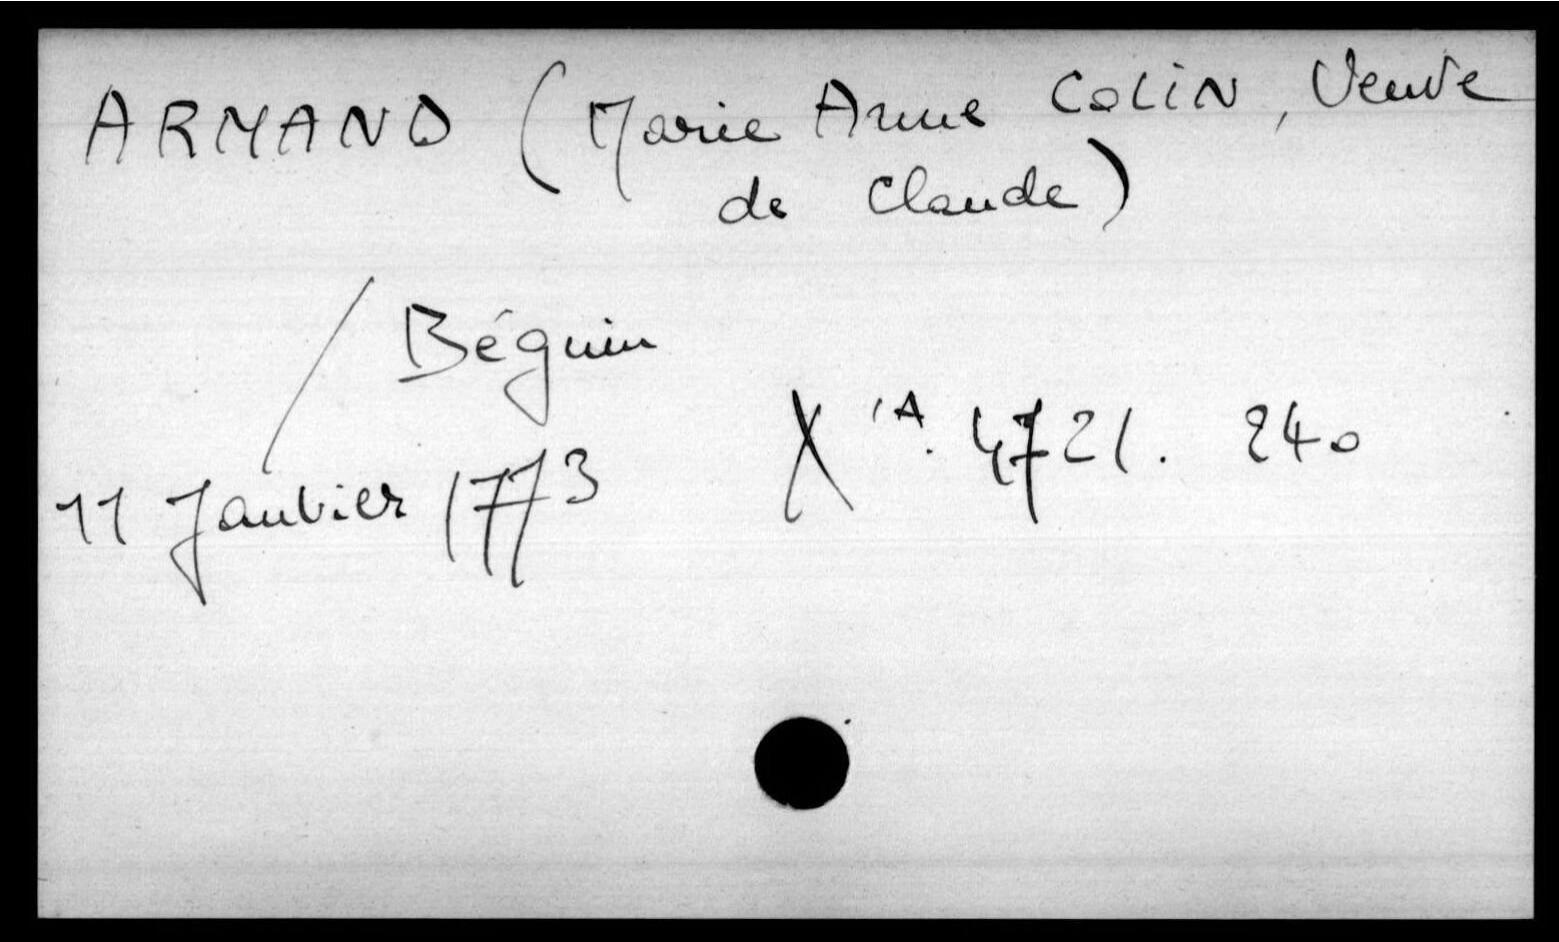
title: ARMAND (Marie Anne COLIN, Veuve de Claude)
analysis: Contre Béguin
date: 11 janvier 1773
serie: X1A
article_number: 4721
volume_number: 240
